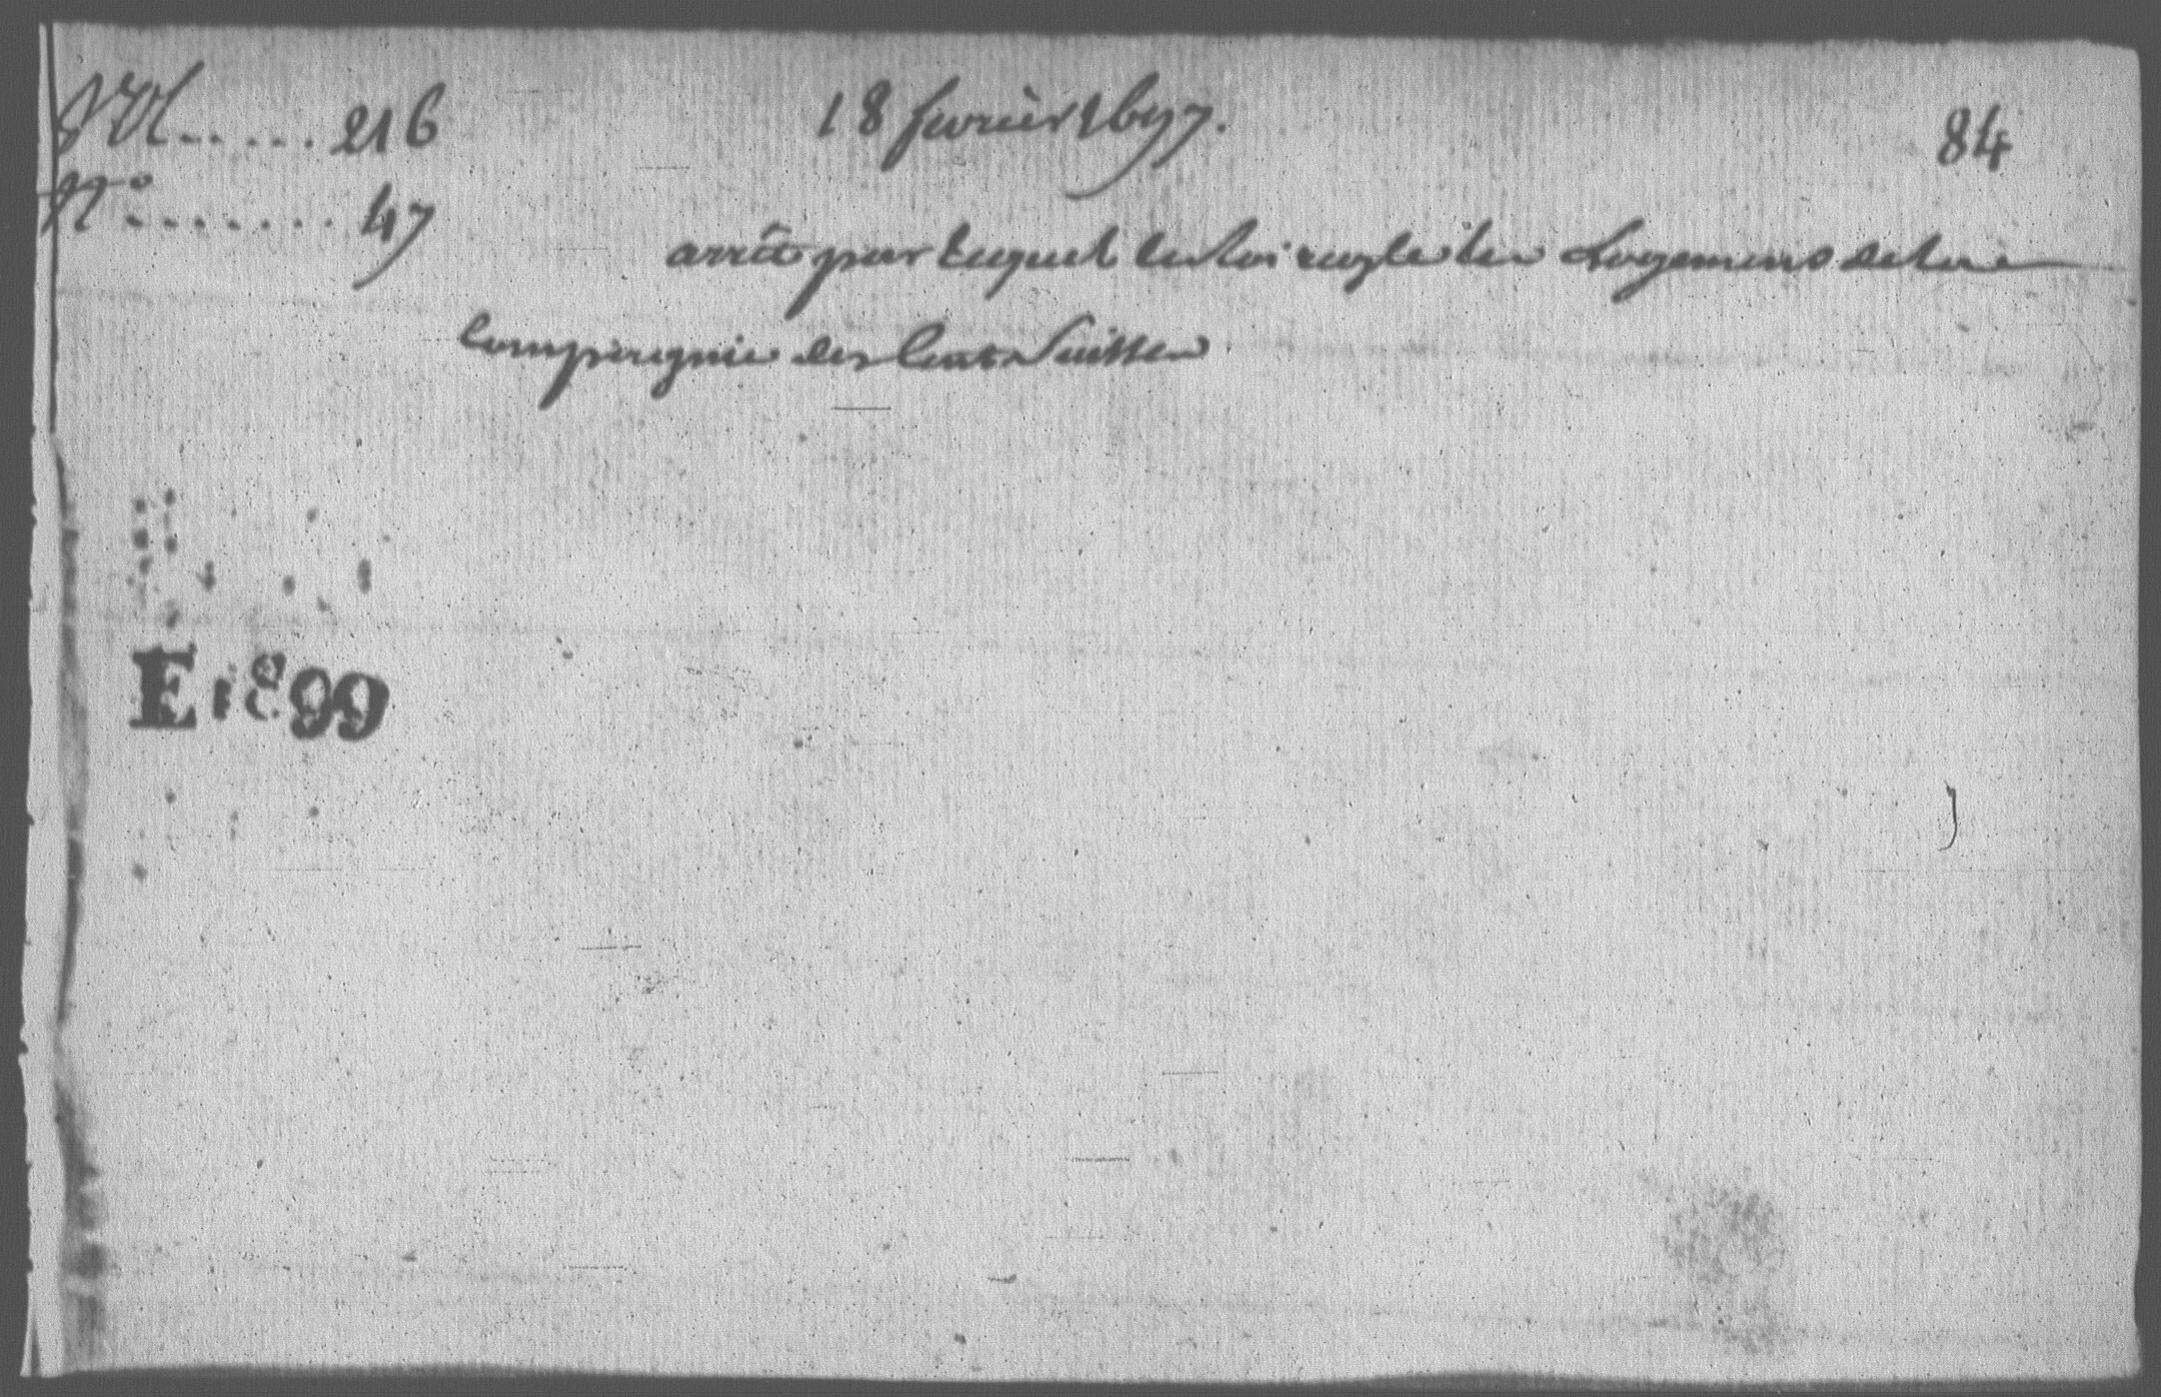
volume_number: n°47
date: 18 février 1697
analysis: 84
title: arrêt par lequel le Roi regle les logemens de la Compagnie des Cents Suisses
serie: E
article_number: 1899
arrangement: vol. 216
